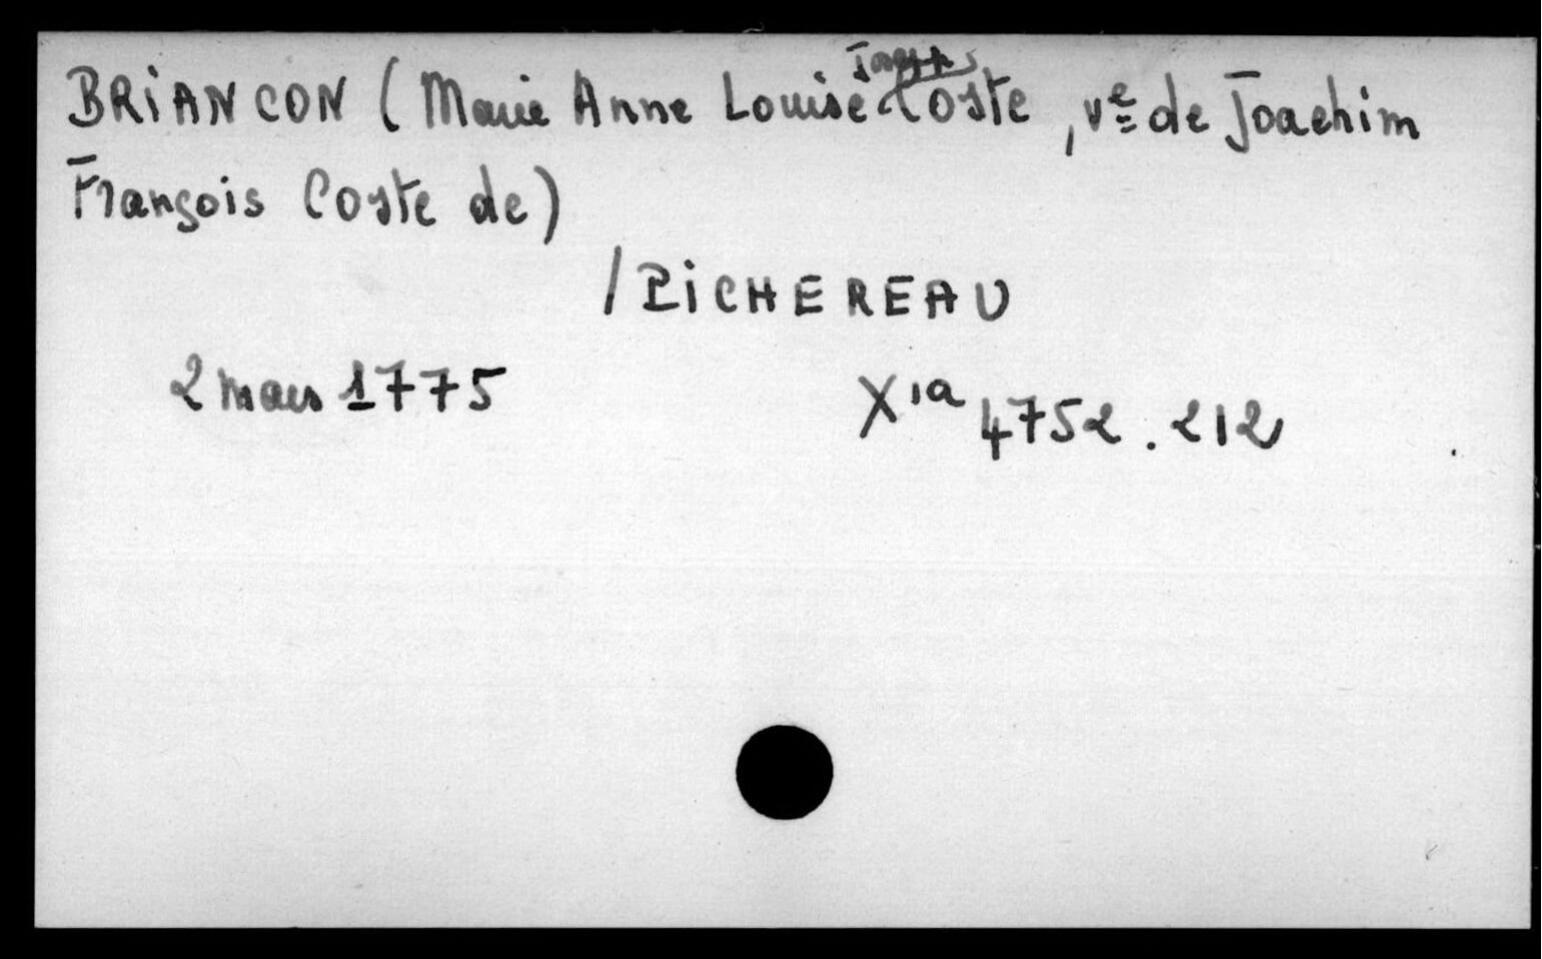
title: BRIANCON (Marie Anne Louise Joseph Coste, veuve de Joachim François Coste de)
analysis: Contre PICHEREAU
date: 2 mars 1775
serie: X1a
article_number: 4752
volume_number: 212
